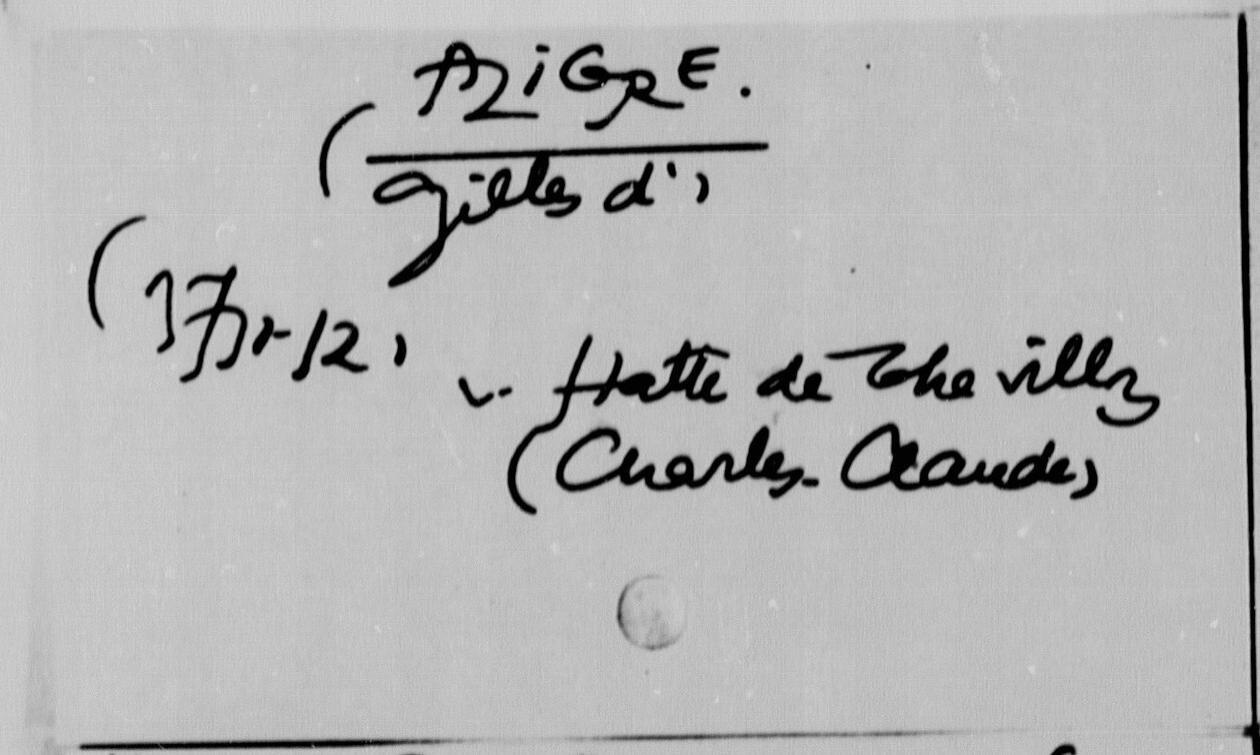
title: ALIGRE (Gilles d')
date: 1711-1712
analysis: Voir Hatte de Thevilly (Charles-Claude)
